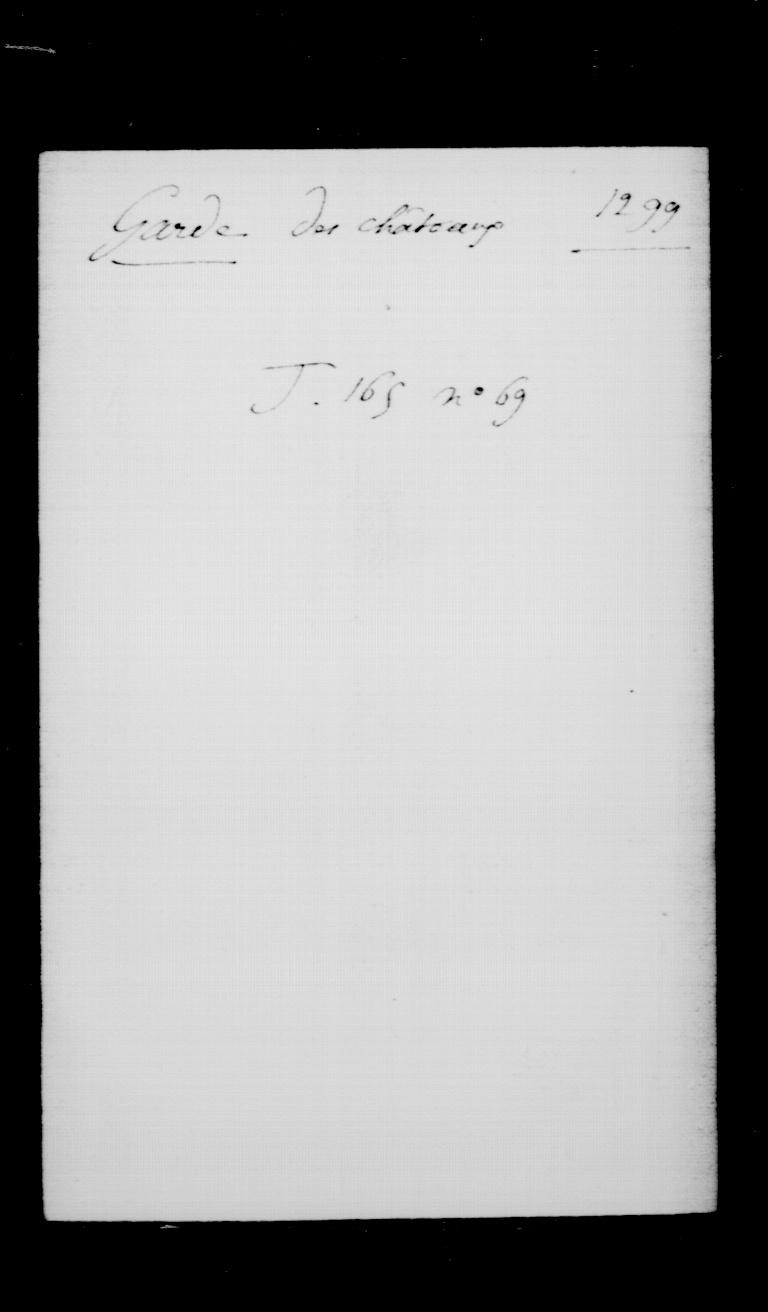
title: Garde des châteaux
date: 1299
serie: J
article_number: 165
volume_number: n° 69
